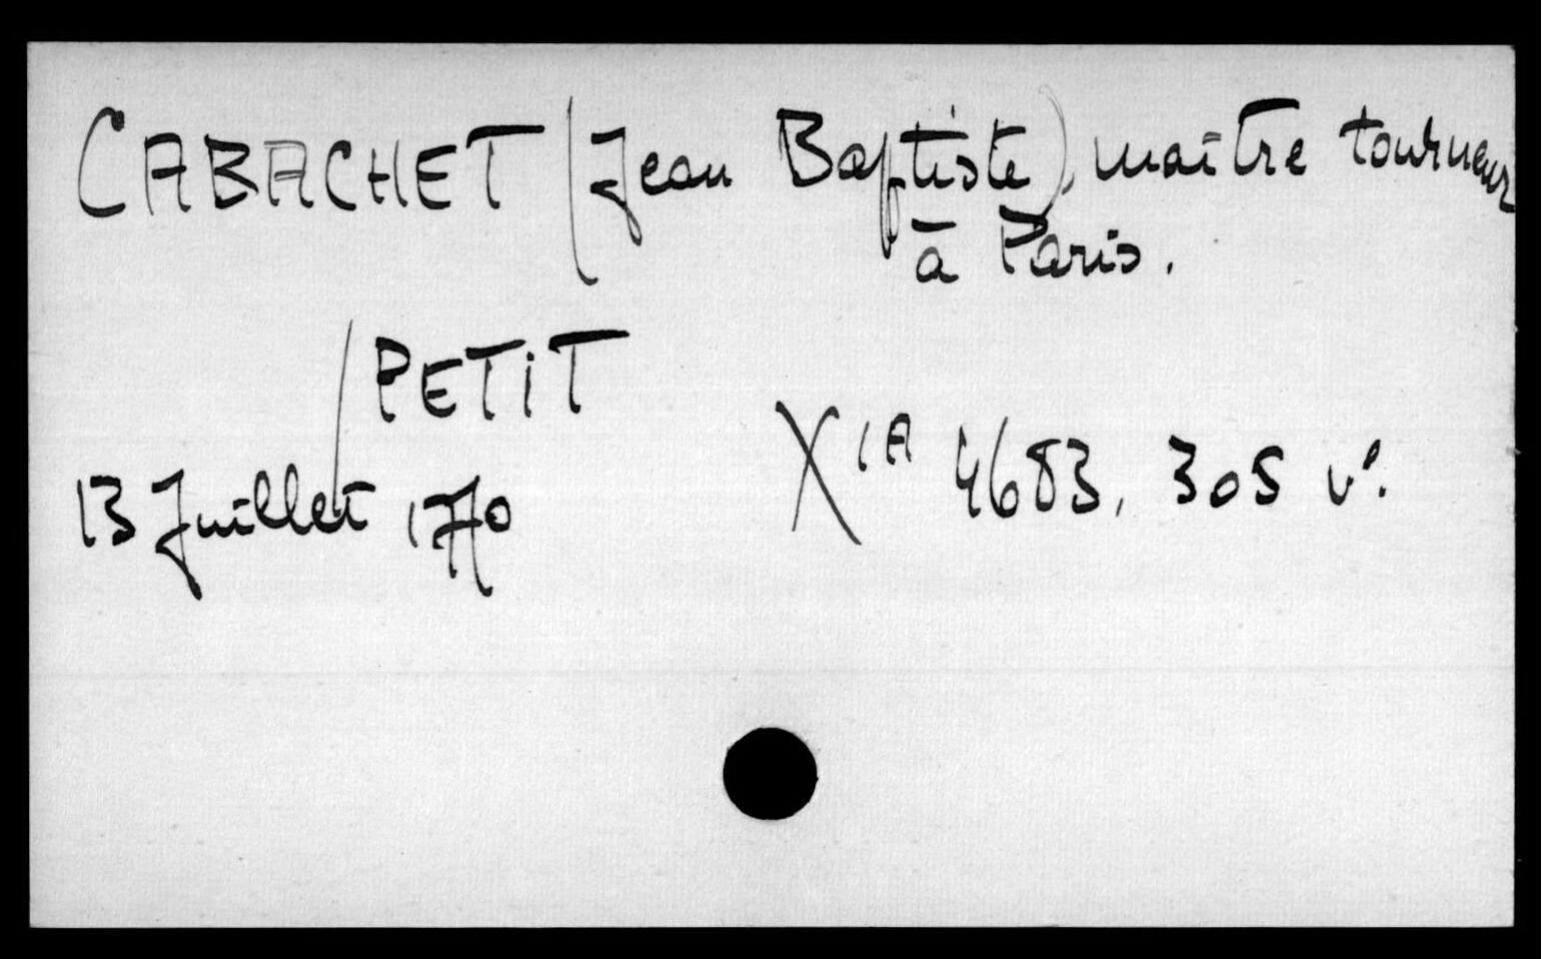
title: CABACHET (Jean Baptiste), maître tourneur à Paris.
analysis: Contre PETIT
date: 13 juillet 1770
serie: X1A
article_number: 4683
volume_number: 305v
